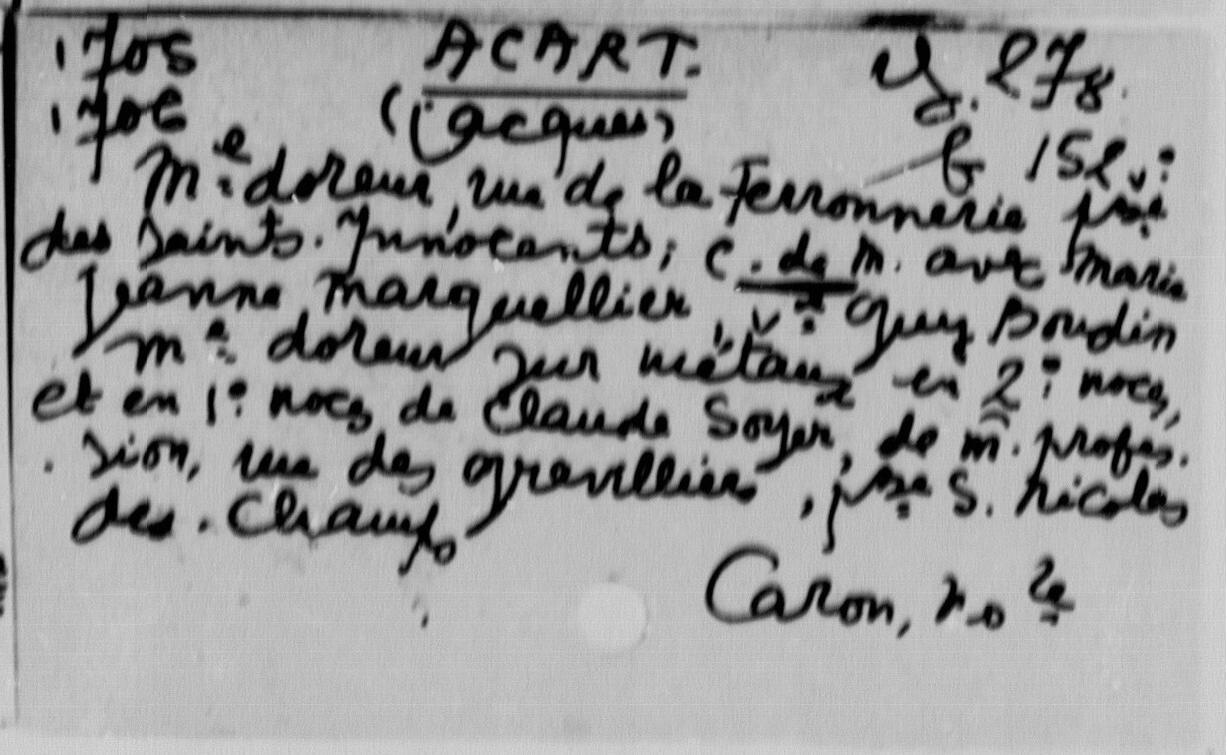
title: ACART Jacques
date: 1705-1706
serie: Y
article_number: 278
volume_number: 152v
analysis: Maître doreur, rue de la Ferronnerie, paroisse des Saints-Innocents. Contrat de mariage avec Marie Jeanne Marguellier, veuve Guy Boudin, maître doreur sur métaux, en 2e noces et en 1e noces de Claude Soyer, de même profession, rue des Gravilliers, paroisse Saint-Nicolas des Champs. Caron, notaire
